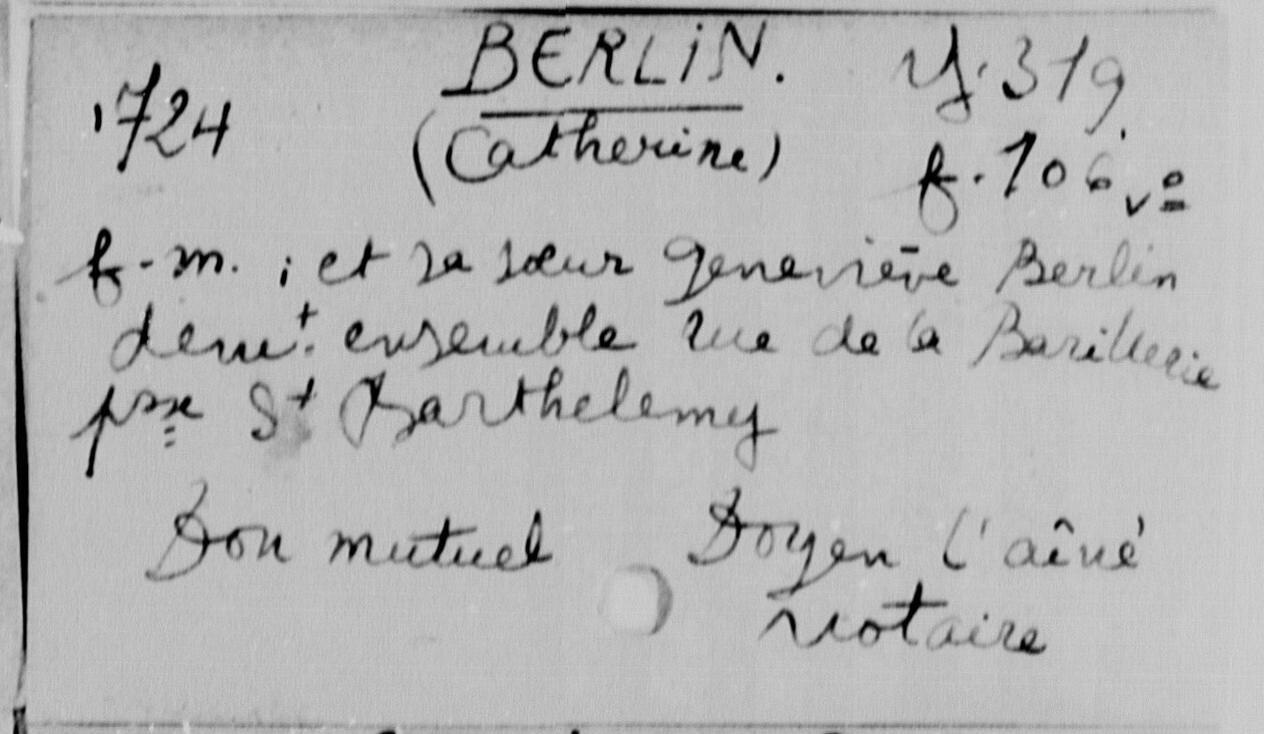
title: BERLIN (Catherine)
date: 1724
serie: Y
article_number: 319
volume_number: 106v
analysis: Fille majeure ; et sa sœur Geneviève Berlin demeurant ensemble rue de la Barillerie, paroisse Saint-Barthélemy Don mutuel. Doyen l'aîné, notaire
